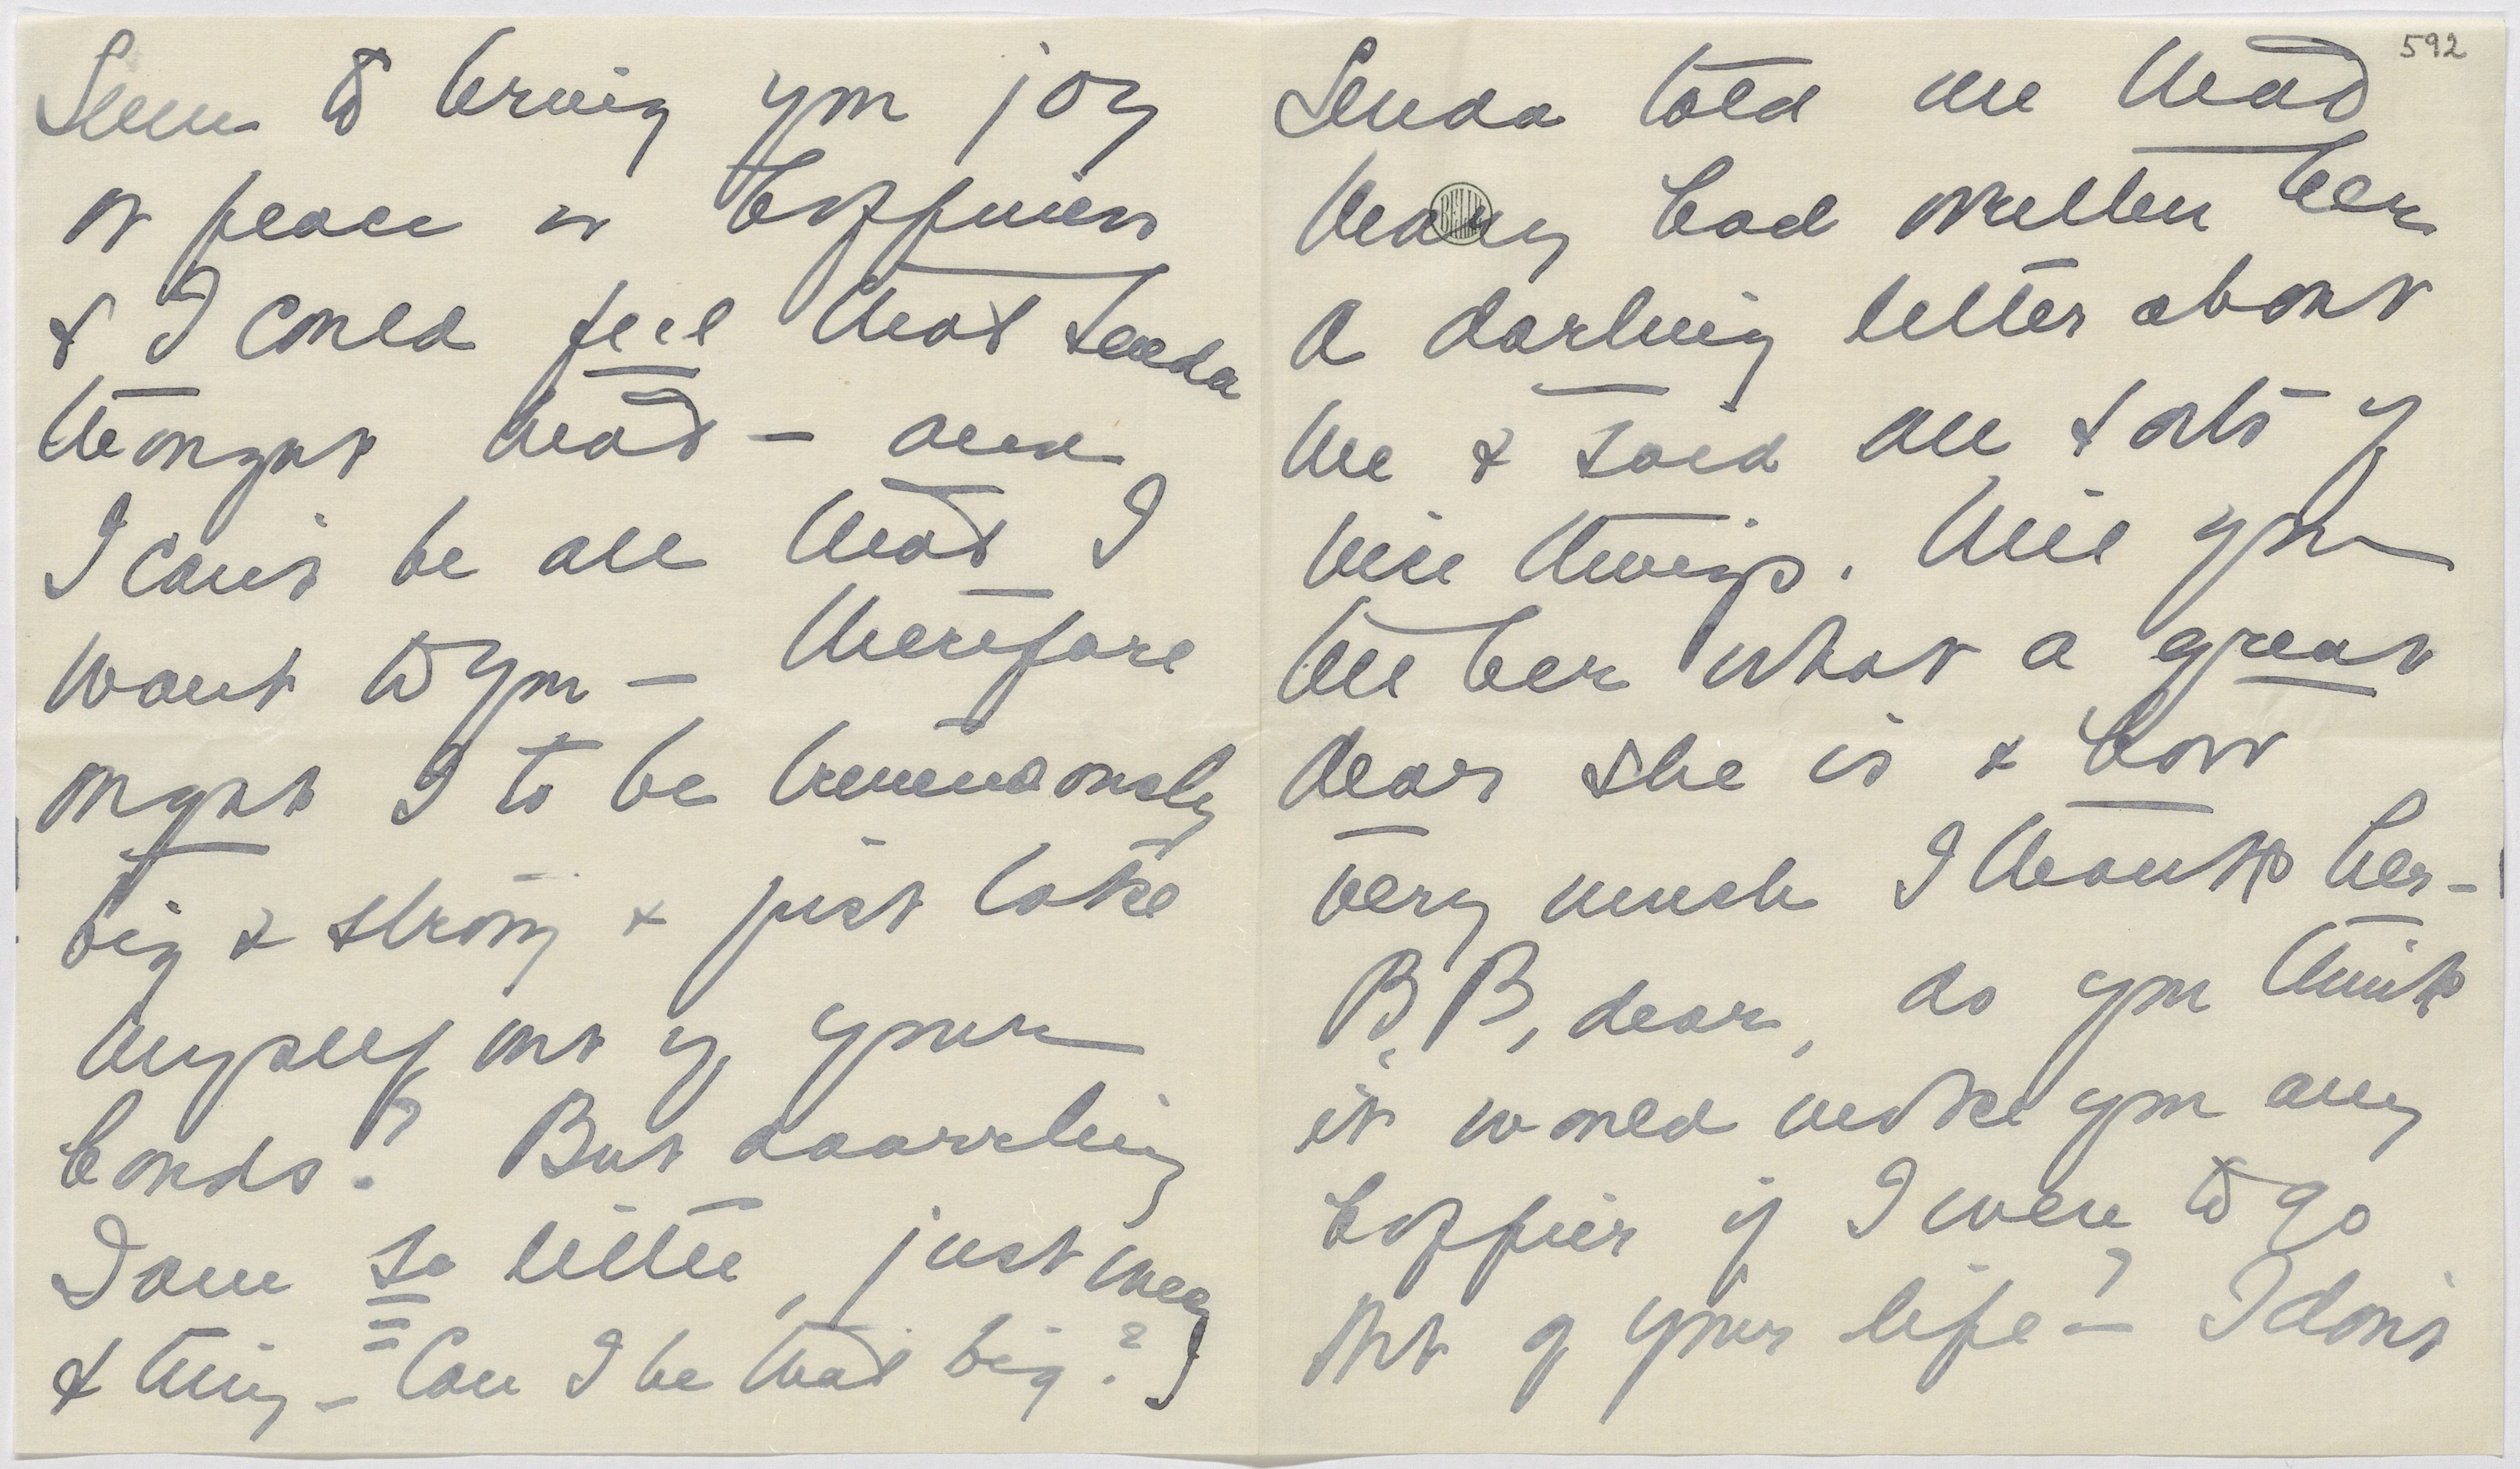Senda told me that Mary had written her a darling letter about me & said all sorts of nice things. Will you tell her what a great dear she is & how very much I thank her –
B.B. dear, do you think it would make you any happier if I were to go out of your life? – I don’t
Seem to bring you joy or peace or happiness & I could feel that Senda thought that – and I can’t be all that I want to you – therefore ought I to be tremendously big & strong & just take myself out of your hands? But daarrling I am [triple underlined: so] little, just wee & tiny – Can I be that big? I